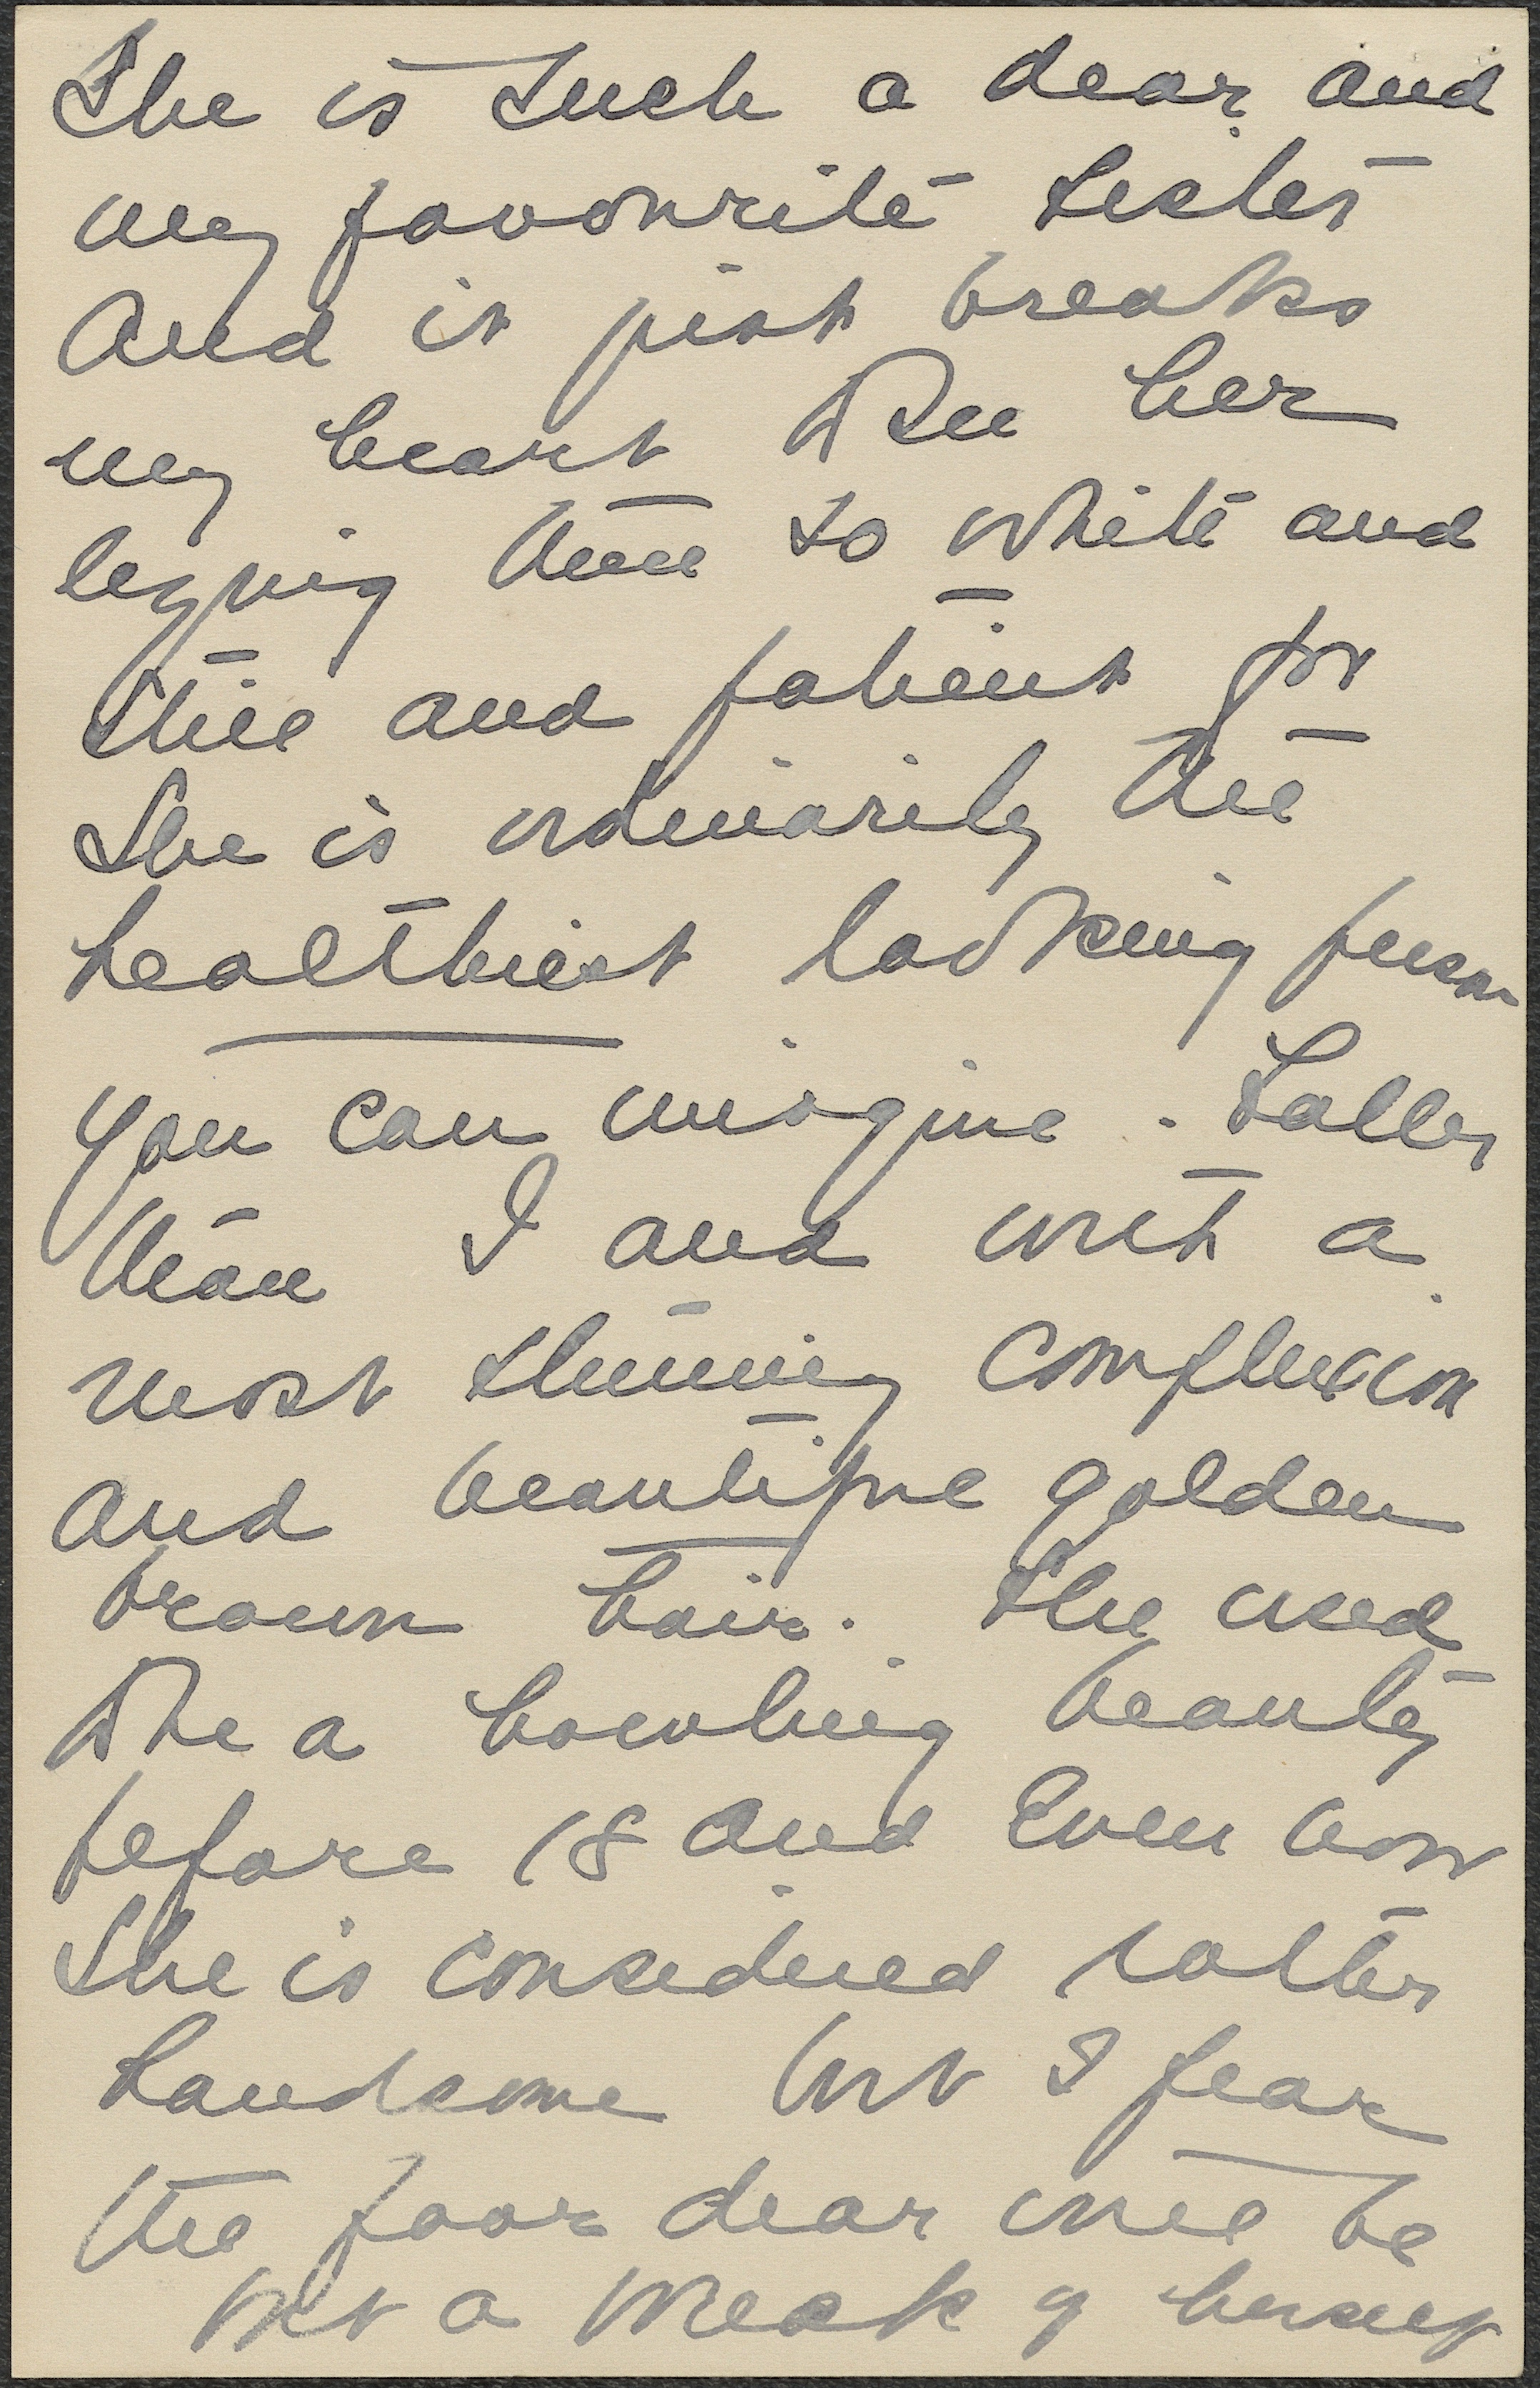She is such a dear and my favourite sister and it just breaks my heart to see her laying there so white and still and patient for she is ordinarily the healthiest looking person you can imagine. Taller than I and with a most stunning complexion and beautiful golden brown hair. She used to be a howling beauty before 18 and even now she is considered rather handsome but I fear the poor dear will be but a wreck of herself